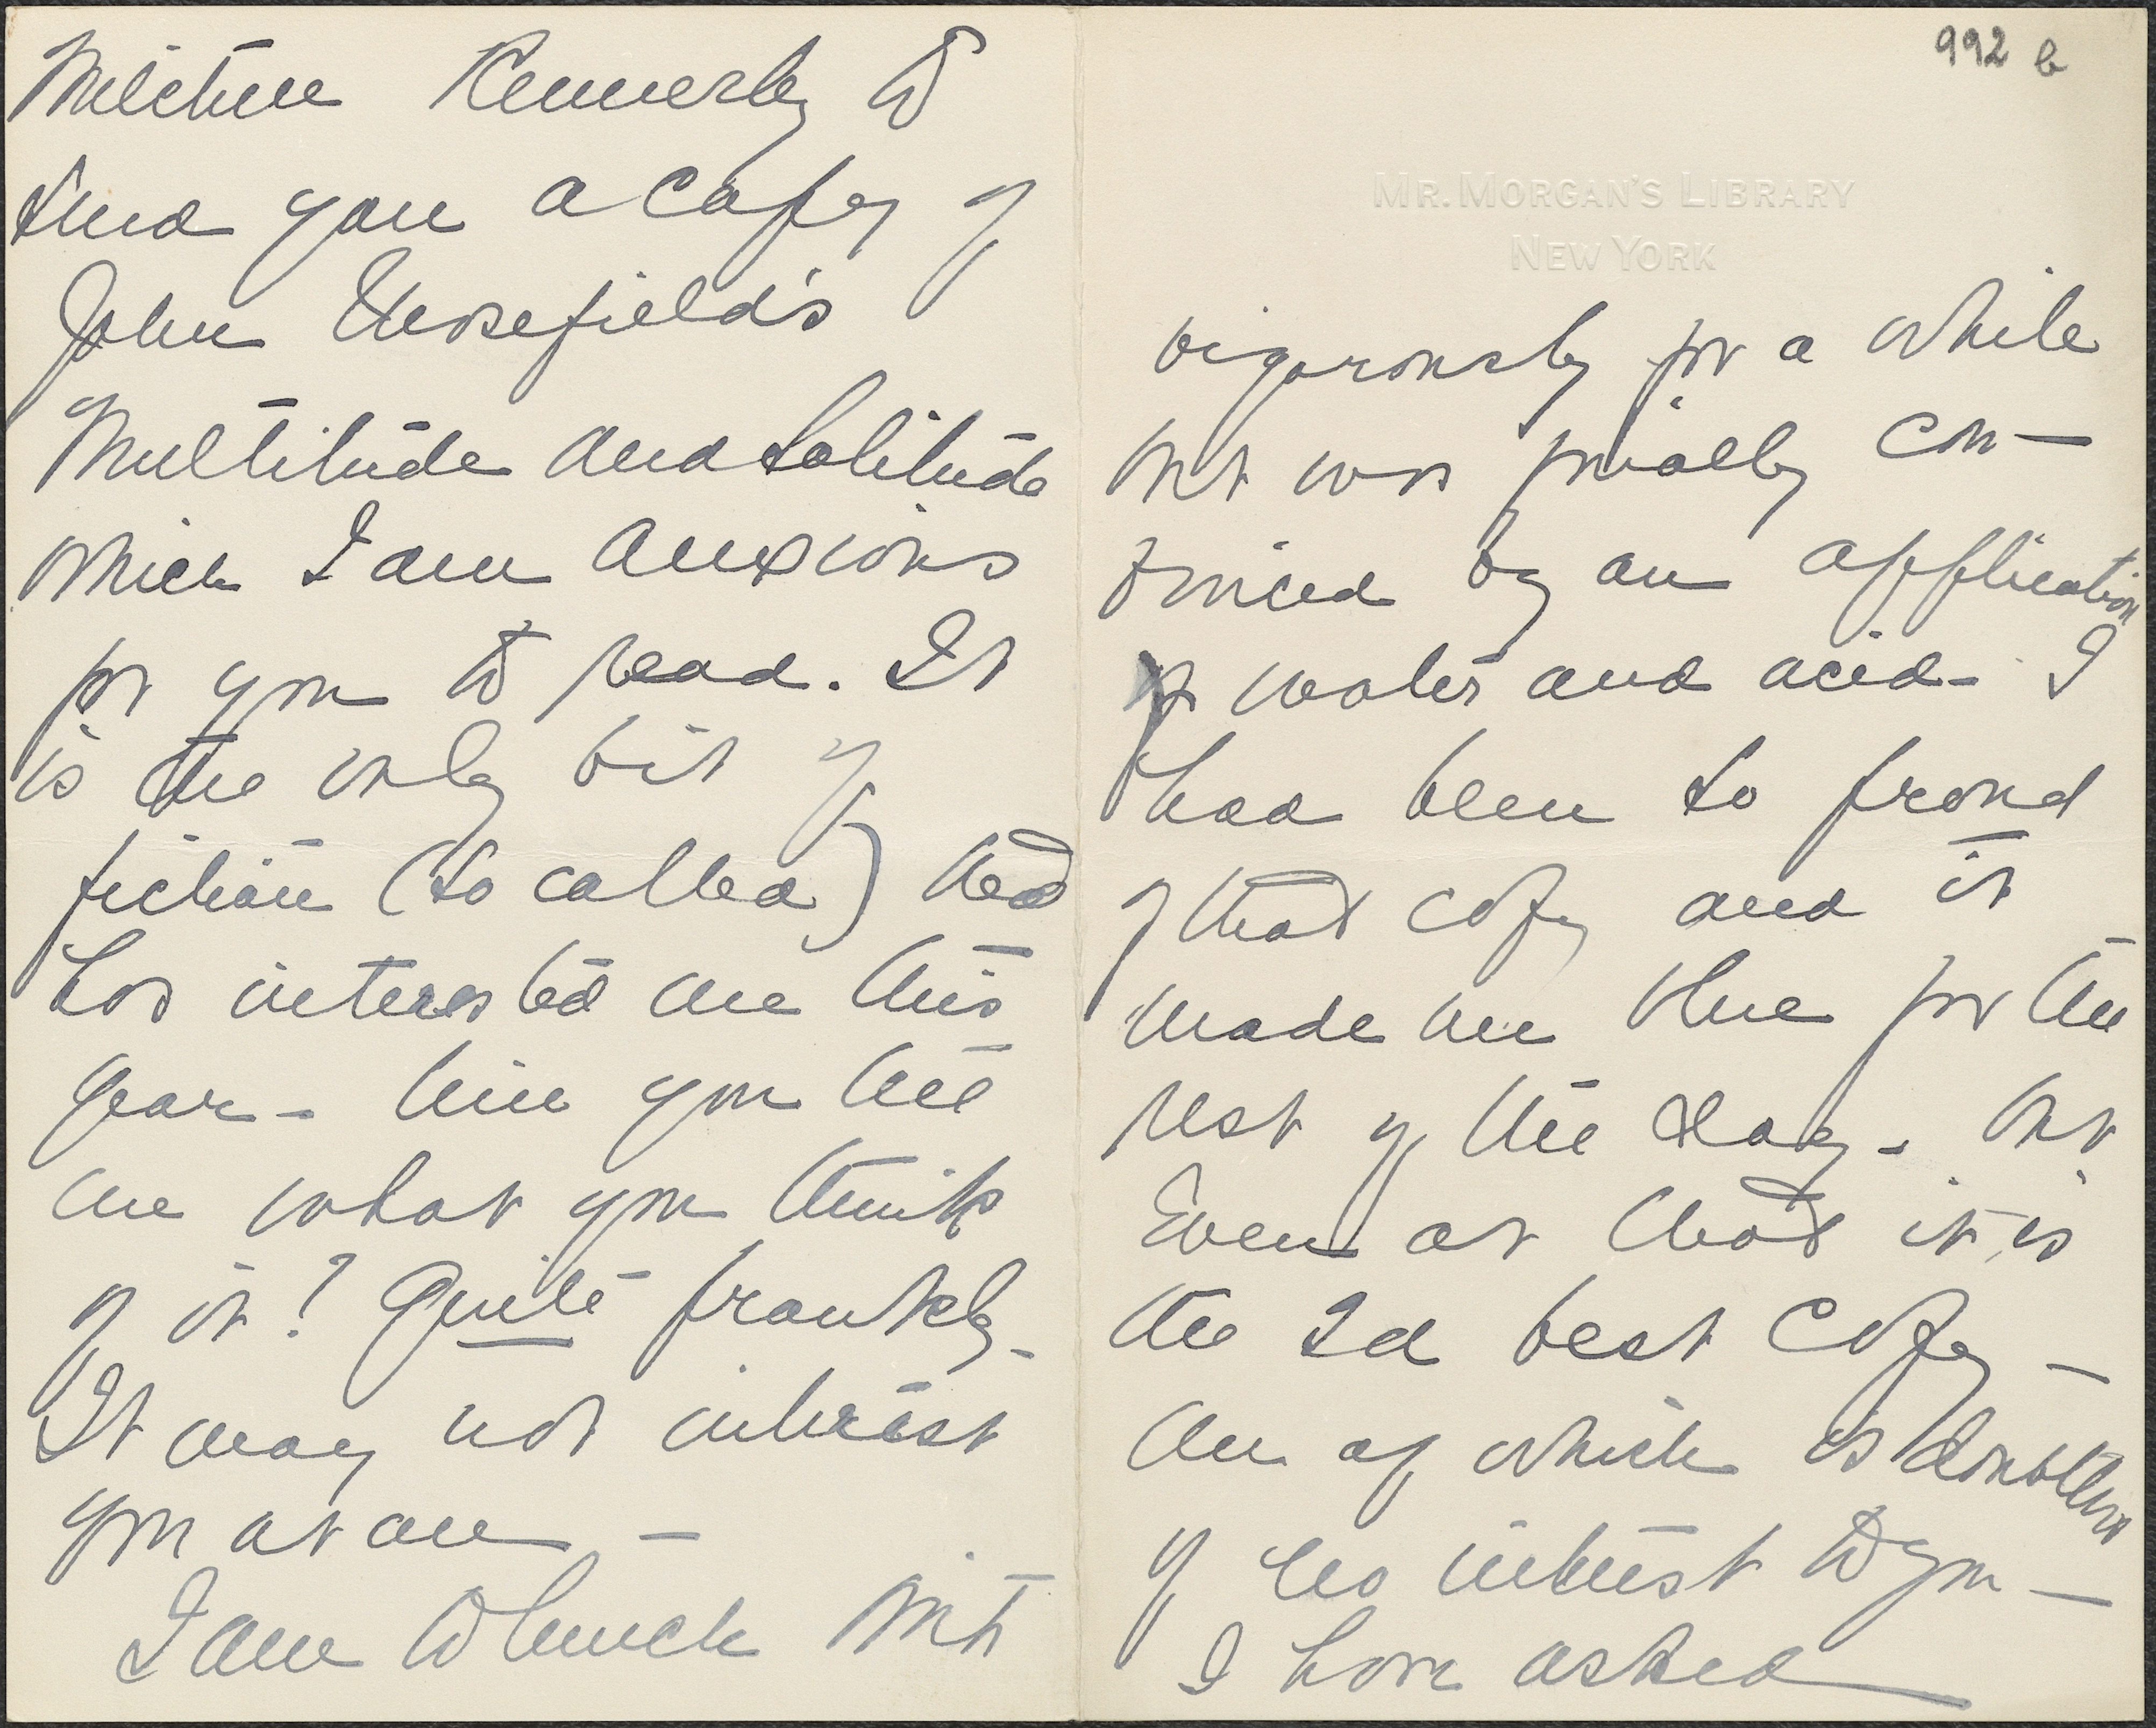vigorously for a while but was finally convinced by an application of water and acid – I had been so proud of that copy and it made me blue for the rest of the day – but even at that it is the 2d best copy – All of which is doubtless of no interest to you –
I have asked
Mitchell Kennerley to send you a copy of John Masefield’s Multitude and Solitude which I am anxious for you to read. It is the only bit of fiction (so called) that has interested me this year – Will you tell me what you think of it? quite frankly – It may not interest you at all –
I am to lunch with